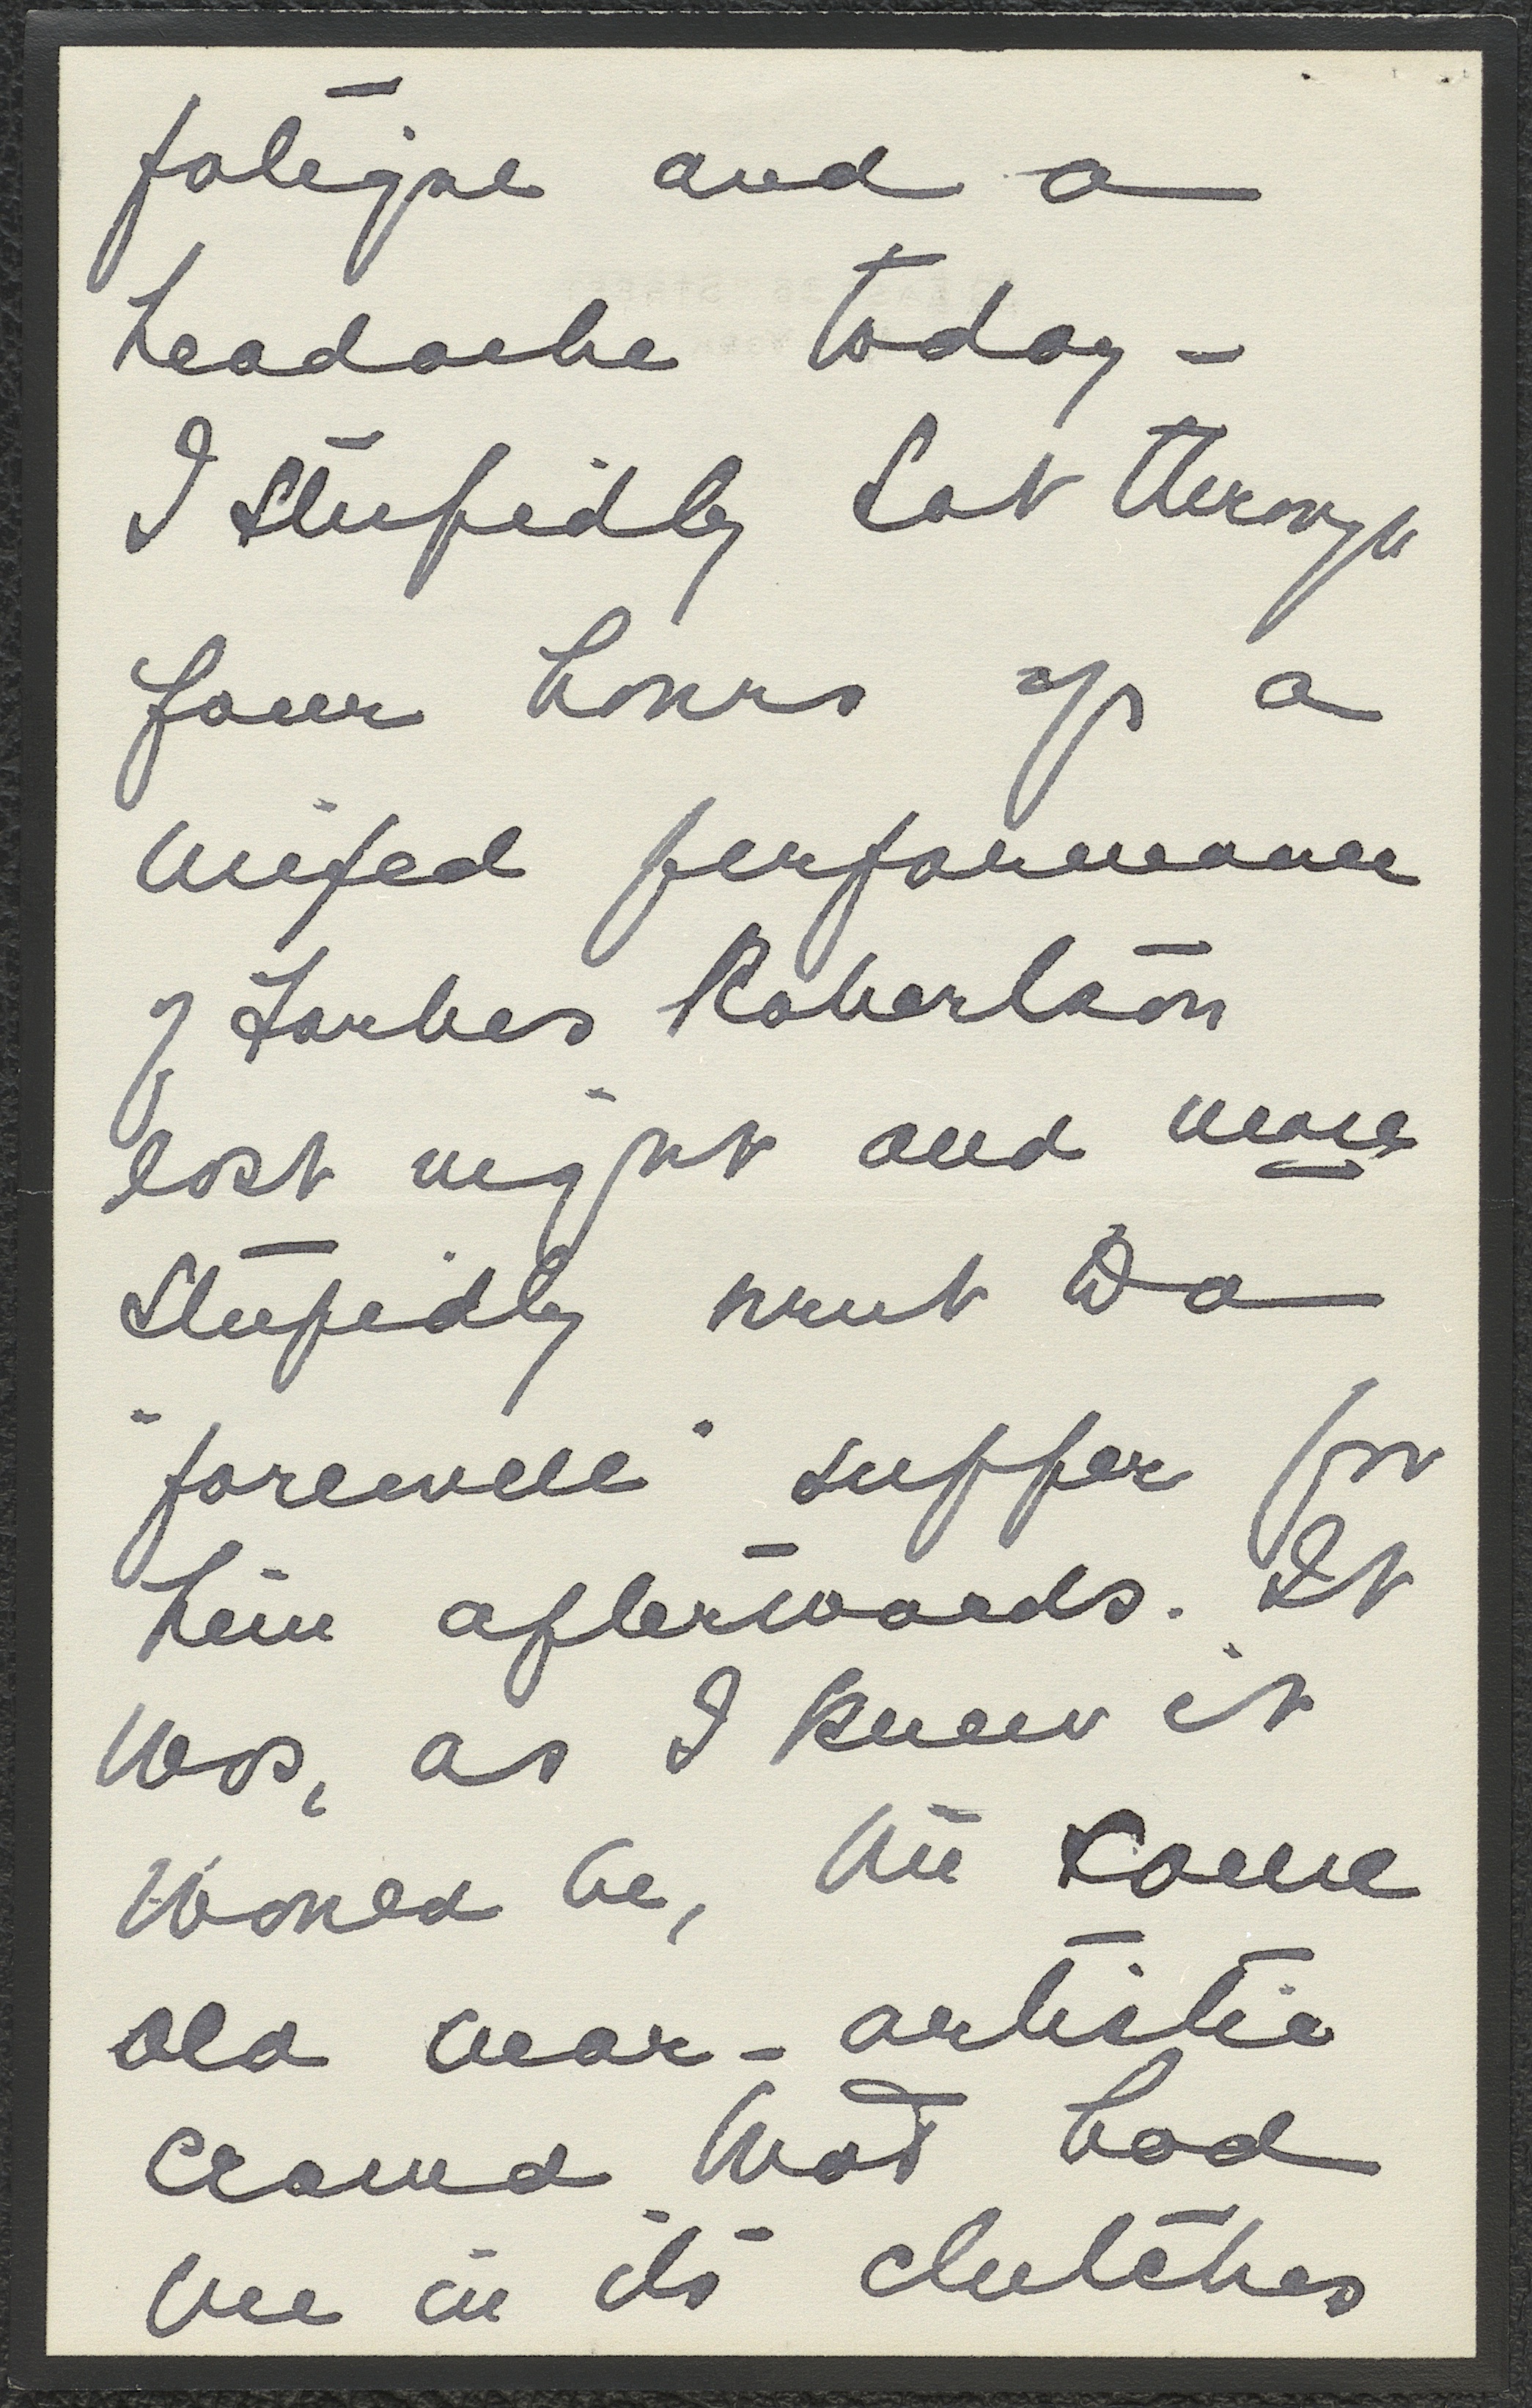fatigue and a headache today –
I stupidly sat through four hours of a mixed [?] performance of Forbes-Robertson last night and more stupidly went to a “farewell” supper for him afterwards. It was, as I knew it would be, the same old near-artistic crowd that had me in its clutches